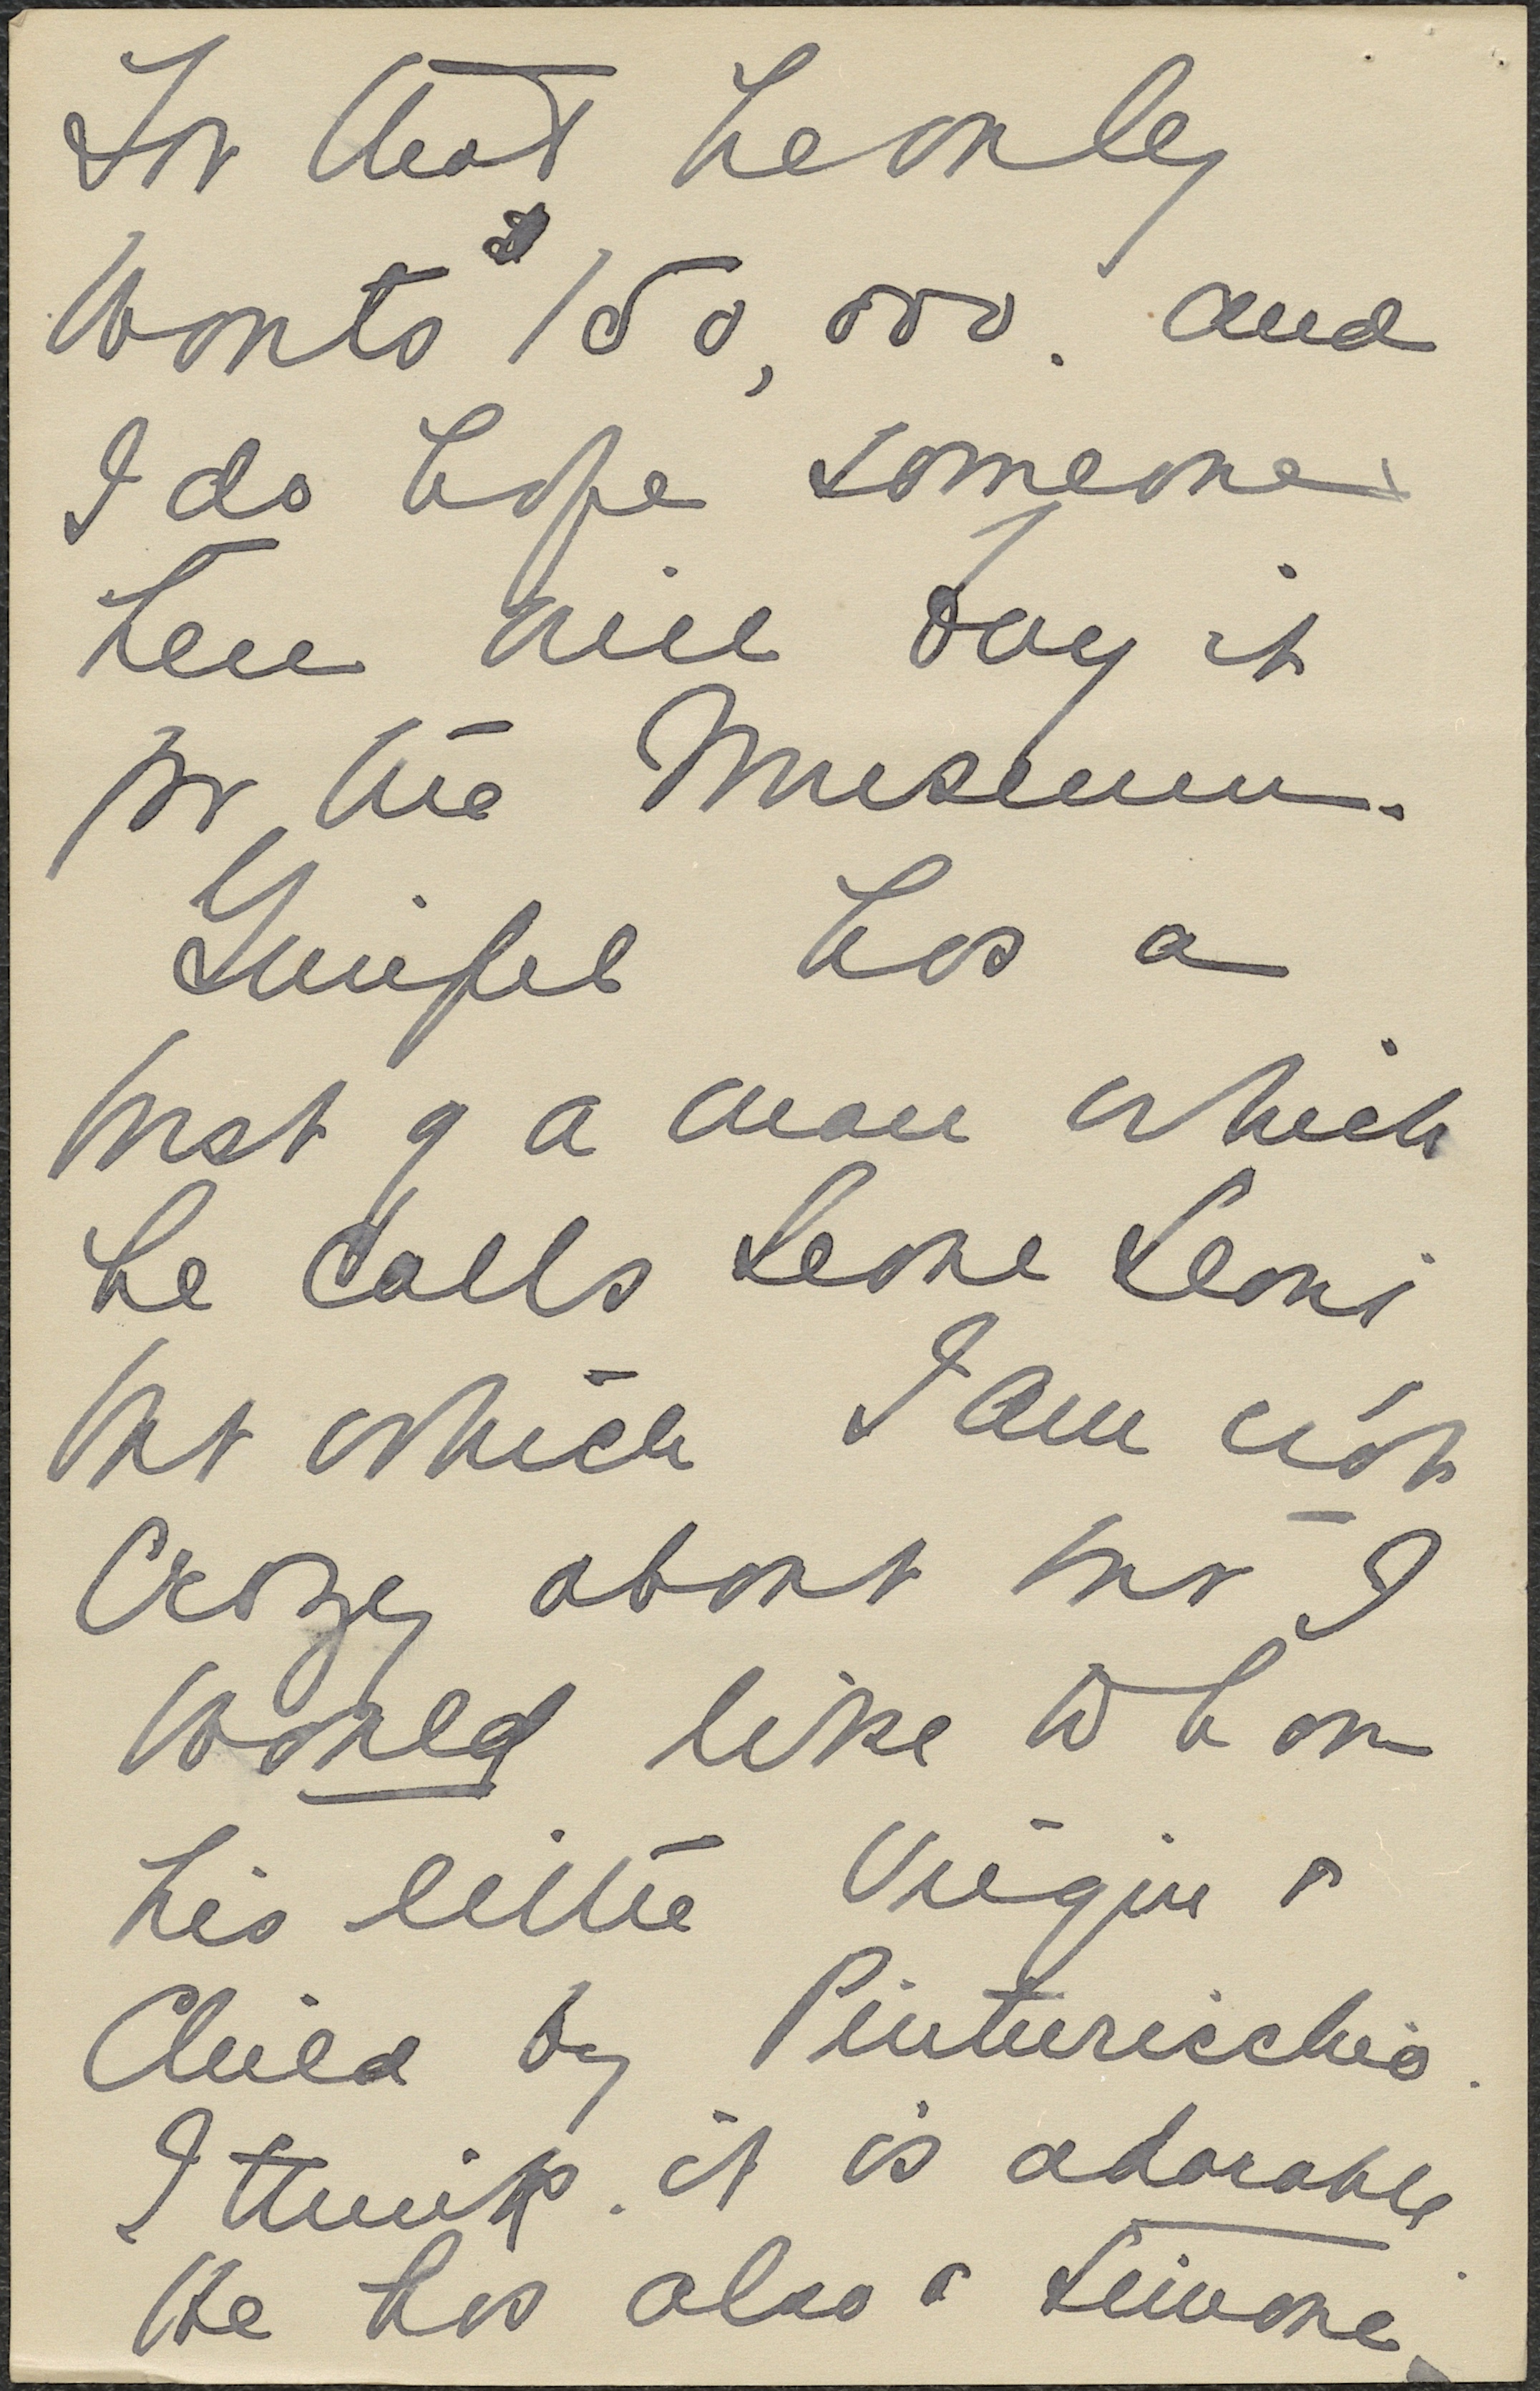For that he only wants $150,000. and I do hope someone here will buy it for the Museum.
Gimpel has a bust of a man which he calls Leone Leoni but which I am not crazy about but I would like to have his little Virgin & Child by Pinturicchio. I think it is adorable. He has also a Simone